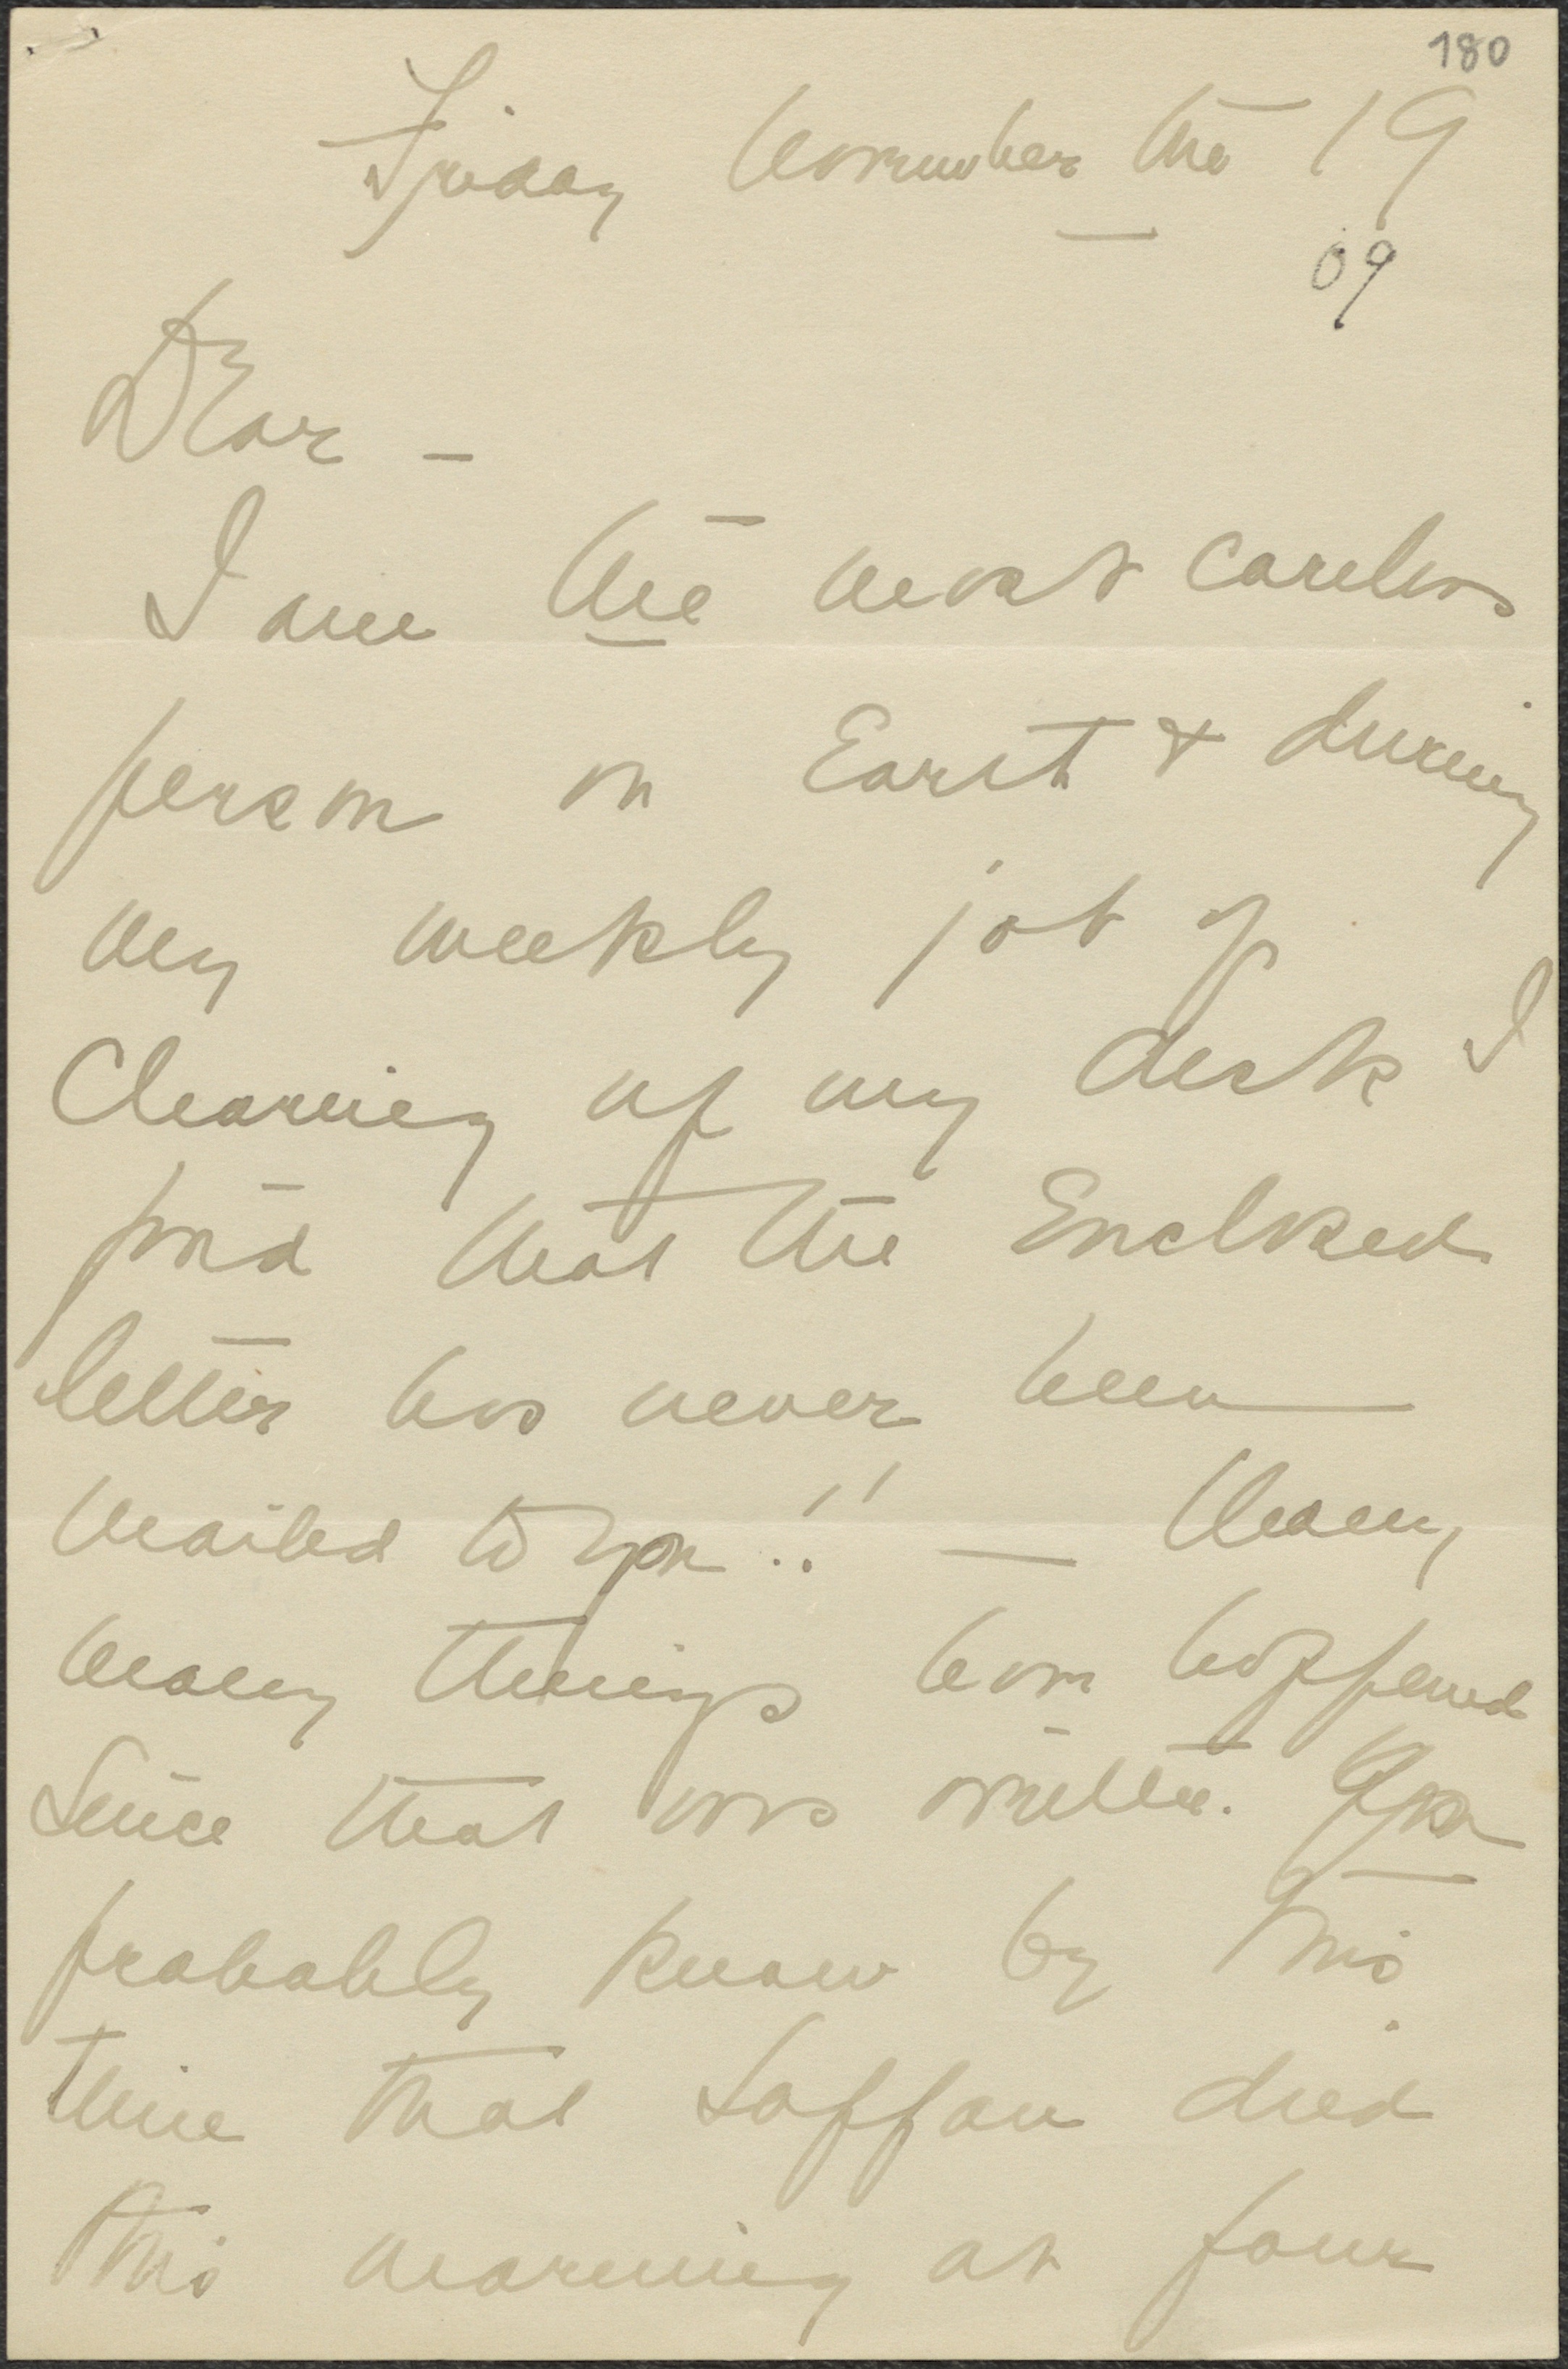Friday November the 19
Dear –
I am the most careless person on Earth & during my weekly job of cleaning up my desk I find that the enclosed letter has never been mailed to you!! – Many many things have happened since that was written. You probably know by this time that Laffan died this morning at four